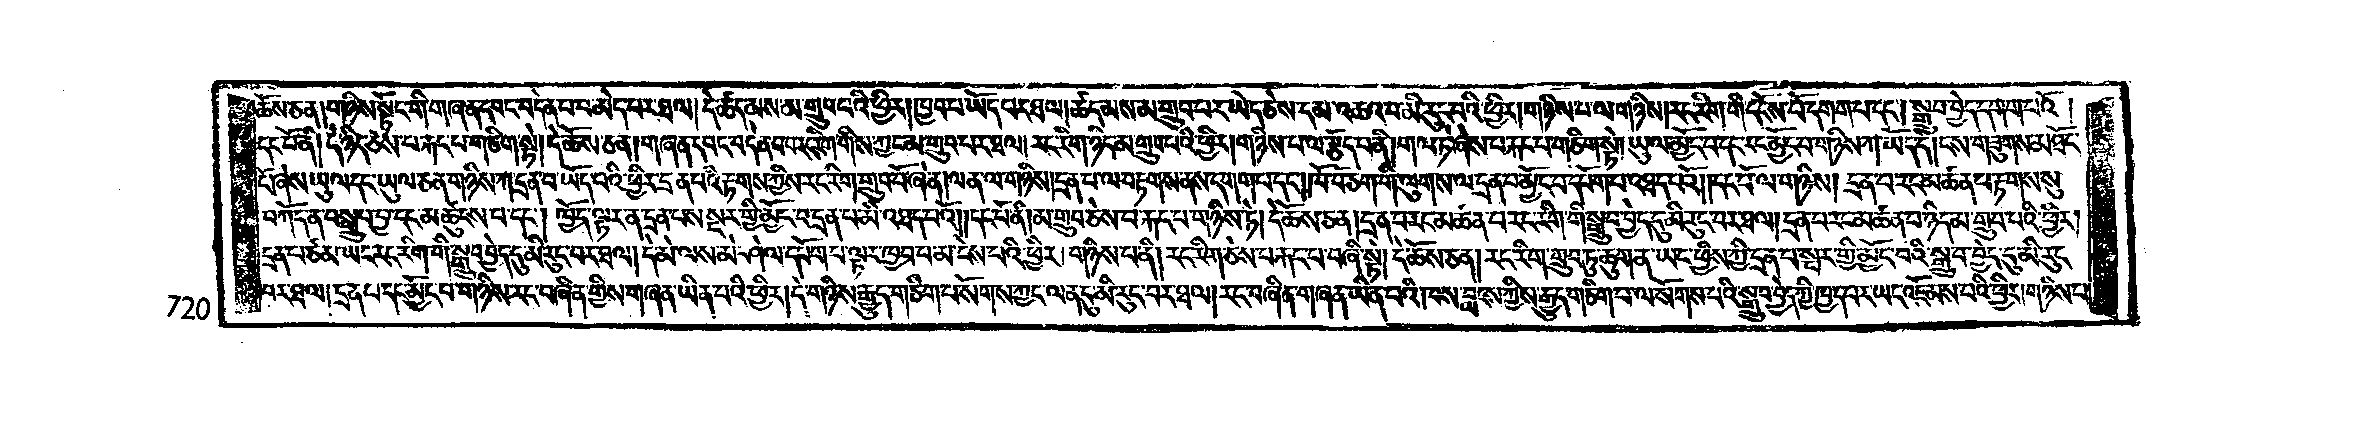ཆོས་ཅན། གཉིས་སྟོང་གི་གཞན་དབང་བདེན་པ་བ་མེད་པར་ཐལ། དེ་ཚད་མས་མ་གྲུབ་པའི་ཕྱིར། ཁྱབ་པ་ཡོད་པར་ཐལ། ཚད་མས་མ་གྲུབ་པར་ཡིད་ཅེས་དམ་འཆའ་བ་མི་རུང་བའི་ཕྱིར། གཉིས་པ་ལ་གཉིས། རང་རིག་གི་དངོས་པོ་དགག་པ་དང་། སྒྲུབ་བྱེད་དགག་པའོ།
དང་པོ་ནི། དེ་ཉིད་ཅེས་པ་རྐང་པ་གཅིག་སྟེ། དེ་ཆོས་ཅན། གཞན་དབང་བདེན་པ་བ་རང་རིག་གིས་ཀྱང་མ་གྲུབ་པར་ཐལ། རང་རིག་ཉིད་མ་གྲུབ་པའི་ཕྱིར། གཉིས་པ་ལ་རྩོད་པ་ནི། གལ་ཏེ་ཞེས་པ་རྐང་པ་གཅིག་སྟེ། ཡུལ་མྱོང་བ་དང་རང་མྱོང་བ་གཉིས་ཀ་ཡོད་དེ། ངེས་གཟུགས་མཐོང་
ངོ་ཞེས་ཡུལ་དང་ཡུལ་ཅན་གཉིས་ཀ་དྲན་པ་ཡོད་པའི་ཕྱིར་དྲན་པའི་རྟགས་ཀྱིས་རང་རིག་གྲུབ་པོ་ཞེ་ན། ལན་ལ་གཉིས། དྲན་པ་ལ་བརྟགས་ནས་དགག་པ་དང་། ཁོ་བོ་ཅག་གི་ལུགས་ལ་དྲན་པ་མྱོང་བ་དཔོག་པ་འཐད་པའོ། །དང་པོ་ལ་གཉིས། དྲན་པ་རང་མཚན་པ་རྟགས་སུ་
བཀོད་ན་བསྒྲུབ་བྱ་དང་མཚུངས་པ་དང་། ཁྱོད་ལྟར་ན་དྲན་པས་སྔར་གྱི་མྱོང་བ་དྲན་པ་མི་འཐད་པའོ། །དང་པོ་ནི། མ་གྲུབ་ཅེས་པ་རྐང་པ་གཉིས་ཏེ། དེ་ཆོས་ཅན། དྲན་པ་རང་མཚན་པ་རང་རིག་གི་སྒྲུབ་བྱེད་དུ་མི་རུང་བར་ཐལ། དྲན་པ་རང་མཚན་པ་ཉིད་མ་གྲུབ་པའི་ཕྱིར།
དྲན་པ་ཙམ་ཡང་རང་རིག་གི་སྒྲུབ་བྱེད་དུ་མི་རུང་བར་ཐལ། དེ་མེ་ལས་མེ་ཤེལ་དཔོག་པ་ལྟར་ཁྱབ་པ་མ་ངེས་པའི་ཕྱིར། གཉིས་པ་ནི། རང་རིག་ཅེས་པ་རྐང་པ་བཞི་སྟེ། དེ་ཆོས་ཅན། རང་རིག་གྲུབ་ཏུ་ཆུག་ན་ཡང་ཕྱིས་ཀྱི་དྲན་པ་སྤར་གྱི་མྱོང་བའི་སྒྲུབ་བྱེད་དུ་མི་རུང་
བར་ཐལ། དྲན་པ་དང་མྱོང་བ་གཉིས་རང་བཞིན་གྱིས་གཞན་ཡིན་པའི་ཕྱིར། དེ་གཉིས་རྒྱུད་གཅིག་པ་སོགས་ཀྱང་ལན་དུ་མི་རུང་བར་ཐལ། རང་བཞིན་གཞན་ཡིན་པའི་ཁས་བླངས་ཀྱིས་རྒྱུད་གཅིག་པ་ལ་སོགས་པའི་སྒྲུབ་བྱེད་ཀྱི་ཁྱད་པར་ཡང་འཇོམས་པའི་ཕྱིར། གཉིས་པ་